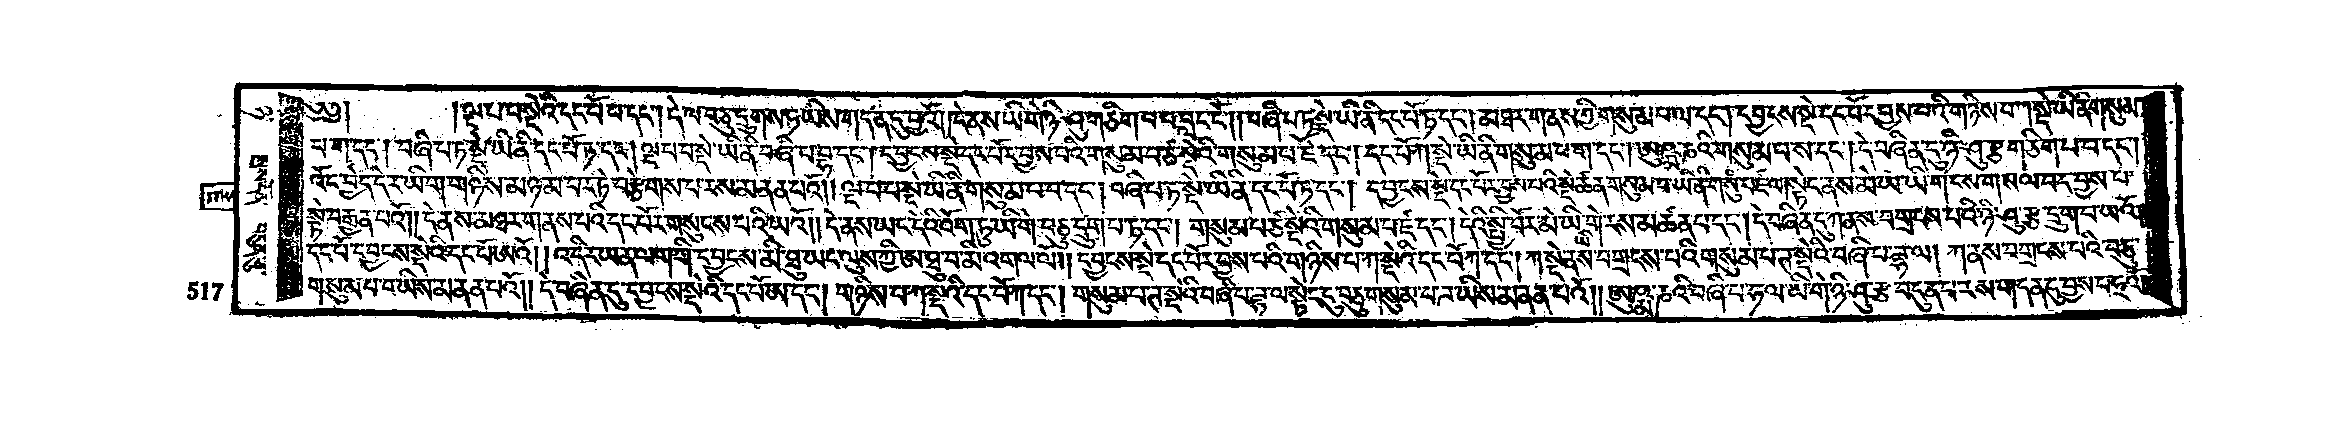༄༅། །ལྔ་པ་པ་སྡེའི་དང་པོ་བ་དང་། དེ་ལ་བཅུ་དྲུག་པ་ཏ་ཡིས་གདན་དུ་བྱའོ། །དེ་ནས་ཡི་གེ་ཉི་ཤུ་གཅིག་པ་བ་བླང་ངོ། །བཞི་པ་ཏ་སྡེ་ཡི་ནི་དང་པོ་ཏ་དང་། མཐར་གནས་ཀྱི་གསུམ་པ་ཡ་དང་། དབྱངས་སྡེ་དང་པོར་བྱས་པའི་གཉིས་པ་ཀ་སྡེ་ཡི་ནི་གསུམ་
པ་ག་དང་། བཞི་པ་ཏ་སྡེ་ཡི་ནི་དང་པོ་ཏ་དང་། ལྔ་པ་པ་སྡེ་ཡི་ནི་བཞི་པ་བྷ་དང་། དབྱངས་སྡེ་དང་པོར་བྱས་པའི་གསུམ་པ་ཙ་སྡེའི་གསུམ་པ་ཛ་དང་། དང་པོ་ཀ་སྡེ་ཡི་ནི་གསུམ་པ་ག་དང་། ཨུཥྨ་ཎའི་གསུམ་པ་ས་དང་། དེ་བཞིན་དུ་ཉི་ཤུ་གཅིག་པ་པ་དང་།
འོད་བྱེད་དེར་ཡིག་གཉིས་མཉམ་པར་ཏེ་བརྩེགས་པ་རས་མནན་པའོ། །ལྔ་པ་པ་སྡེ་ཡི་ནི་གསུམ་པ་བ་དང་། བཞི་པ་ཏ་སྡེ་ཡི་ནི་དང་པོ་ཏ་དང་། དབྱངས་སྡེ་དང་པོར་བྱས་པའི་སྡེ་ཚན་གསུམ་པ་ཡི་ནི་གསུམ་པ་ཛ་ལ། སྟེང་ནས་མེ་ཡི་ཡི་གེ་རས་གསལ་བར་བྱས་པ་
སྟེ་བརྒྱན་པའོ། །དེ་ནས་མཐར་གནས་པའི་དང་པོར་གསུངས་པའི་ཡའོ། །དེ་ནས་ཡང་དེའི་འོག་ཏུ་ཡི་གེ་བཅུ་དྲུག་པ་ཏ་དང་། གསུམ་པ་ཙ་སྡེའི་གསུམ་པ་ཛ་དང་། དེའི་སྤྱི་བོར་མེ་ཡི་ཡི་གེ་རས་མཚན་པ་དང་། དེ་བཞིན་དུ་ཀ་ནས་བགྲངས་པའི་ཉི་ཤུ་རྩ་དྲུག་པ་ཡའོ། །
དང་པོ་དབྱངས་སྡེའི་དང་པོ་O། །འདིར་ཡན་ལག་གི་དབྱངས་མི་ཐུ་ཡང་ལུས་ཀྱི་ཨ་ཐུ་བ་མི་འགལ་ལོ། །དབྱངས་སྡེ་དང་པོར་བྱས་པའི་གཉིས་པ་ཀ་སྡེའི་དང་པོ་ཀ་དང་། ཀ་སྡེ་ནས་བགྲངས་པའི་གསུམ་པ་ཊ་སྡེའི་བཞི་པ་ཌྷ་ལ། ཀ་ནས་བགྲངས་པའི་བཅུ་
གསུམ་པ་བ་ཡིས་མནན་པའོ། །དེ་བཞིན་དུ་དབྱངས་སྡེའི་དང་པོ་ཨ་དང་། གཉིས་པ་ཀ་སྡེའི་དང་པོ་ཀ་དང་། གསུམ་པ་ཊ་སྡེའི་བཞི་པ་ཌྷ་ལ་སྟེང་དུ་བཅུ་གསུམ་པ་ཌ་ཡིས་མནན་པའོ། །ཨུཥྨ་ཎའི་བཞི་པ་ཧ་ལ་ཡི་གེ་ཉི་ཤུ་རྩ་བདུན་པ་རས་གདན་དུ་བྱས་པ་ཧྲའོ། །